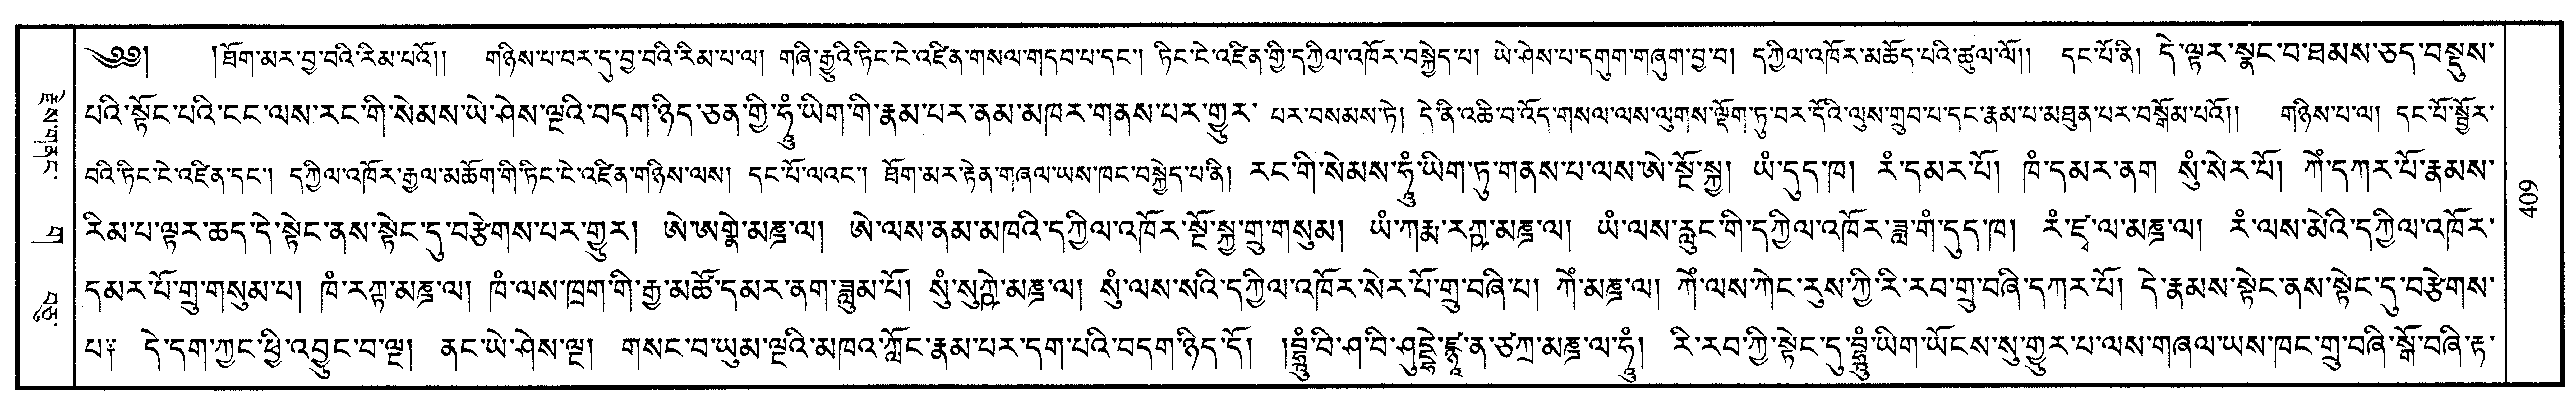༄༅། །ཐོག་མར་བྱ་བའི་རིམ་པའོ།། གཉིས་པ་བར་དུ་བྱ་བའི་རིམ་པ་ལ། གཞི་རྒྱུའི་ཏིང་ངེ་འཛིན་གསལ་གདབ་པ་དང་། ཏིང་ངེ་འཛིན་གྱི་དཀྱིལ་འཁོར་བསྐྱེད་པ། ཡེ་ཤེས་པ་དགུག་གཞུག་བྱ་བ། དཀྱིལ་འཁོར་མཆོད་པའི་ཚུལ་ལོ།། དང་པོ་ནི། དེ་ལྟར་སྣང་བ་ཐམས་ཅད་བསྡུས་
པའི་སྟོང་པའི་ངང་ལས་རང་གི་སེམས་ཡེ་ཤེས་ལྔའི་བདག་ཉིད་ཅན་གྱི་ཧཱུཾ་ཡིག་གི་རྣམ་པར་ནམ་མཁར་གནས་པར་གྱུར་པར་བསམས་ཏེ། དེ་ནི་འཆི་བ་འོད་གསལ་ལས་ལུགས་ལྡོག་ཏུ་བར་དོའི་ལུས་གྲུབ་པ་དང་རྣམ་པ་མཐུན་པར་བསྒོམ་པའོ།། གཉིས་པ་ལ། དང་པོ་སྦྱོར་
བའི་ཏིང་ངེ་འཛིན་དང་། དཀྱིལ་འཁོར་རྒྱལ་མཆོག་གི་ཏིང་ངེ་འཛིན་གཉིས་ལས། དང་པོ་ལའང་། ཐོག་མར་རྟེན་གཞལ་ཡས་ཁང་བསྐྱེད་པ་ནི། རང་གི་སེམས་ཧཱུཾ་ཡིག་ཏུ་གནས་པ་ལས་ཨེ་སྔོ་སྐྱ། ཡཾ་དུད་ཁ། རཾ་དམར་པོ། ཁཾ་དམར་ནག་སུཾ་སེར་པོ། ཀེཾ་དཀར་པོ་རྣམས་
རིམ་པ་ལྟར་ཆད་དེ་སྟེང་ནས་སྟེང་དུ་བརྩེགས་པར་གྱུར། ཨེ་ཨགནེ་མཎྜ་ལ། ཨེ་ལས་ནམ་མཁའི་དཀྱིལ་འཁོར་སྔོ་སྐྱ་གྲུ་གསུམ། ཡཾ་ཀརྨ་རཀྵ་མཎྜ་ལ། ཡཾ་ལས་རླུང་གི་དཀྱིལ་འཁོར་ཟླ་གཾ་དུད་ཁ། རཾ་ཛྭ་ལ་མཎྜ་ལ། རཾ་ལས་མེའི་དཀྱིལ་འཁོར་
དམར་པོ་གྲུ་གསུམ་པ། ཁཾ་རཀྟ་མཎྜ་ལ། ཁཾ་ལས་ཁྲག་གི་རྒྱ་མཚོ་དམར་ནག་ཟླུམ་པོ། སུཾ་སུཀྵེ་མཎྜ་ལ། སུཾ་ལས་སའི་དཀྱིལ་འཁོར་སེར་པོ་གྲུ་བཞི་པ། ཀེཾ་མཎྜ་ལ། ཀེཾ་ལས་ཀེང་རུས་ཀྱི་རི་རབ་གྲུ་བཞི་དཀར་པོ། དེ་རྣམས་སྟེང་ནས་སྟེང་དུ་བརྩེགས་
པ༑ དེ་དག་ཀྱང་ཕྱི་འབྱུང་བ་ལྔ། ནང་ཡེ་ཤེས་ལྔ། གསང་བ་ཡུམ་ལྔའི་མཁའ་ཀློང་རྣམ་པར་དག་པའི་བདག་ཉིད་དོ། །བྷྲཱུཾ་བི་ཤ་བི་ཤུདྡྷེ་ཛྙཱ་ན་ཙཀྲ་མཎྜ་ལ་ཧཱུཾ། རི་རབ་ཀྱི་སྟེང་དུ་བྷྲཱུཾ་ཡིག་ཡོངས་སུ་གྱུར་པ་ལས་གཞལ་ཡས་ཁང་གྲུ་བཞི་སྒོ་བཞི་རྟ་